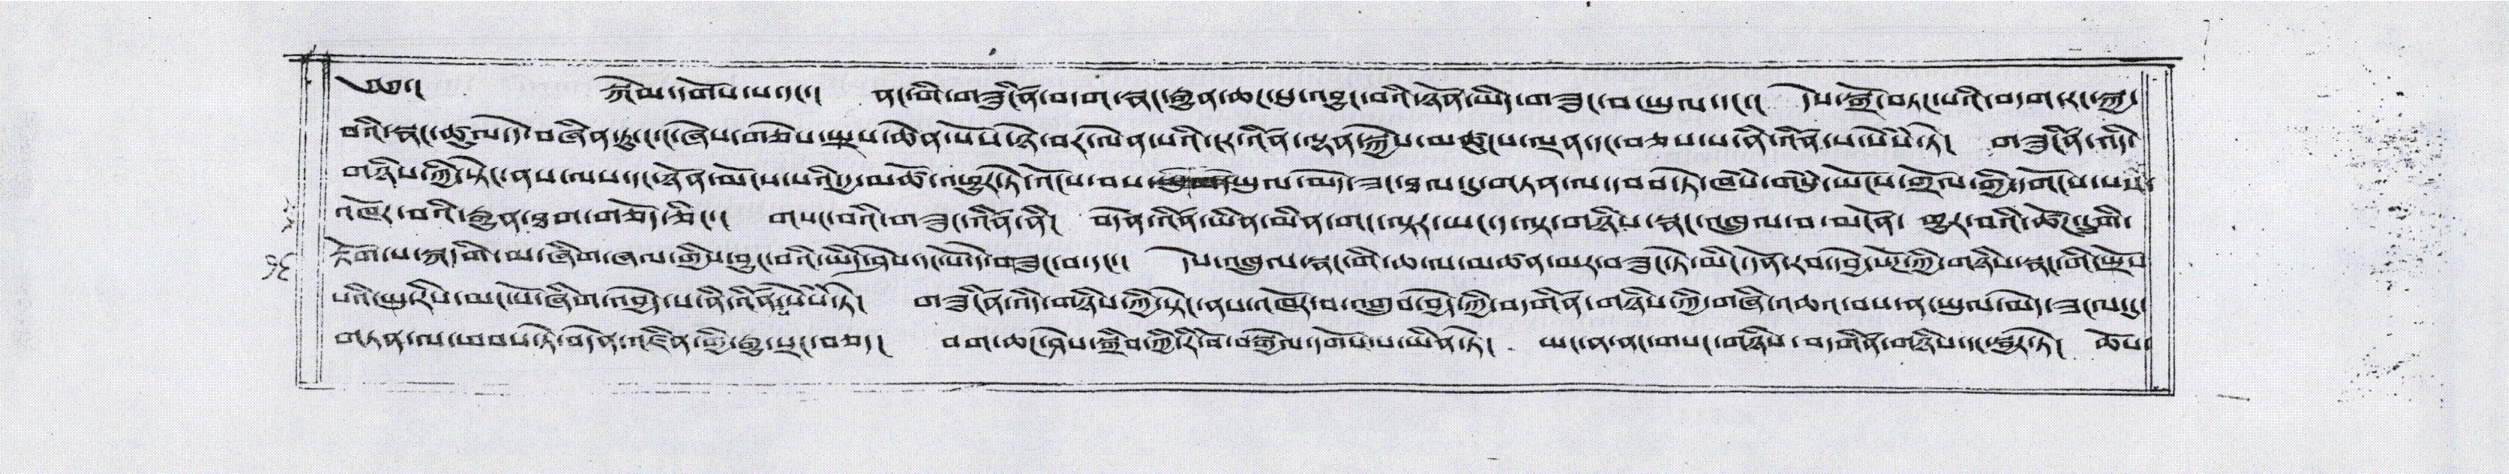སྐེམ་དགོས་པ་དང། ནང་གི་གཟུང་འཛིན་བདག་སྣང་རྒྱུན་ཆགས་སུ་འབྱུང་བའི་ཉོན་ཡིད་གཟུང་བ་ཡུལ་དང། དེས་སྒྲོ་བཏགས་པའི་བདག་རང་སྐྱ་
བའི་སྣང་ཚུལ་དེ་བཞིན་ཏུ་ང་ང་ཞེས་གཅེས་སྤྲས་ཆེན་པོས་ཉེ་བར་ལེན་པའི་ངར་འཛིན་ལྷན་སྐྱེས་མཚུངས་ལྡན་དང་བཅས་པ་ནི་འཛིན་པ་སེམས་ཏེ། གཟུང་འཛིན་འདི་
གཉིས་ཀྱི་སྟེང་ནས་ལས་དང་ཉོན་མོངས་པའི་རྒྱ་མཚོ་འཕྱུར་ཏེ་འོངས་བས་ཡུལ་མེད་ཟང་ཐལ་དུ་གཏན་ལ་དབབ་ཏེ་ཁམས་གསུམ་ཡོངས་གྲོལ་གྱི་དགོངས་པས་
འཁོར་བའི་རྒྱུན་ཐག་གཅོད་ཅིང། གསང་བའི་གཟུང་འཛིན་ནི། བདེན་འཛིན་ཡིན་མིན་གང་ལྟར་ཡང་ད་ལྟ་གཉིས་སྣང་འཁྲུལ་བ་མངོན། གྱུར་བའི་ཚོགས་དྲུག་གི་
རྟོག་པ་སྐད་ཅིག་མ་ཞིག་ཞལ་གྱིས་བྱུང་བའི་ཡིད་ཤེས་དང་པོ་དེ་གཟུང་བ་དང། དེས་འཁྲུལ་སྣང་གི་ཆ་ལ་མཚན་མར་བཟུང་ཏེ་མིང་དོན་རབ་དབྱེ་སོགས་ཀྱི་གཉིས་སྣང་གི་སྤྲོས་
པའི་སྤུ་རིས་མང་པོ་ཞིག་འབྱེད་པ་ནི་འཛིན་པ་སེམས་ཏེ། གཟུང་འཛིན་འདི་གཉིས་ཀྱི་སྟེང་ནས་འཁོར་བ་འགྲུབ་བྱེད་ཀྱི་བདག་འཛིན་གཉིས་ཀྱི་གཞི་འཆའ་བས་ན་ཡུལ་མེད་ཟང་ཐལ་དུ་
གཏན་ལ་ཕབས་ཏེ་བདེན་འཛིན་གྱི་རྒྱུ་སྲང་བཅད། བག་ཆགས་ཤེས་སྒྲིབ་ཀྱི་རི་བོ་བསྒྱེལ་དགོས་པ་ཡིན་ཏེ། ཡང་ན་ནང་གསང་གཉིས་བདག་འཛིན་གཉིས་དང་སྦྱར་ཏེ། ཆོས་